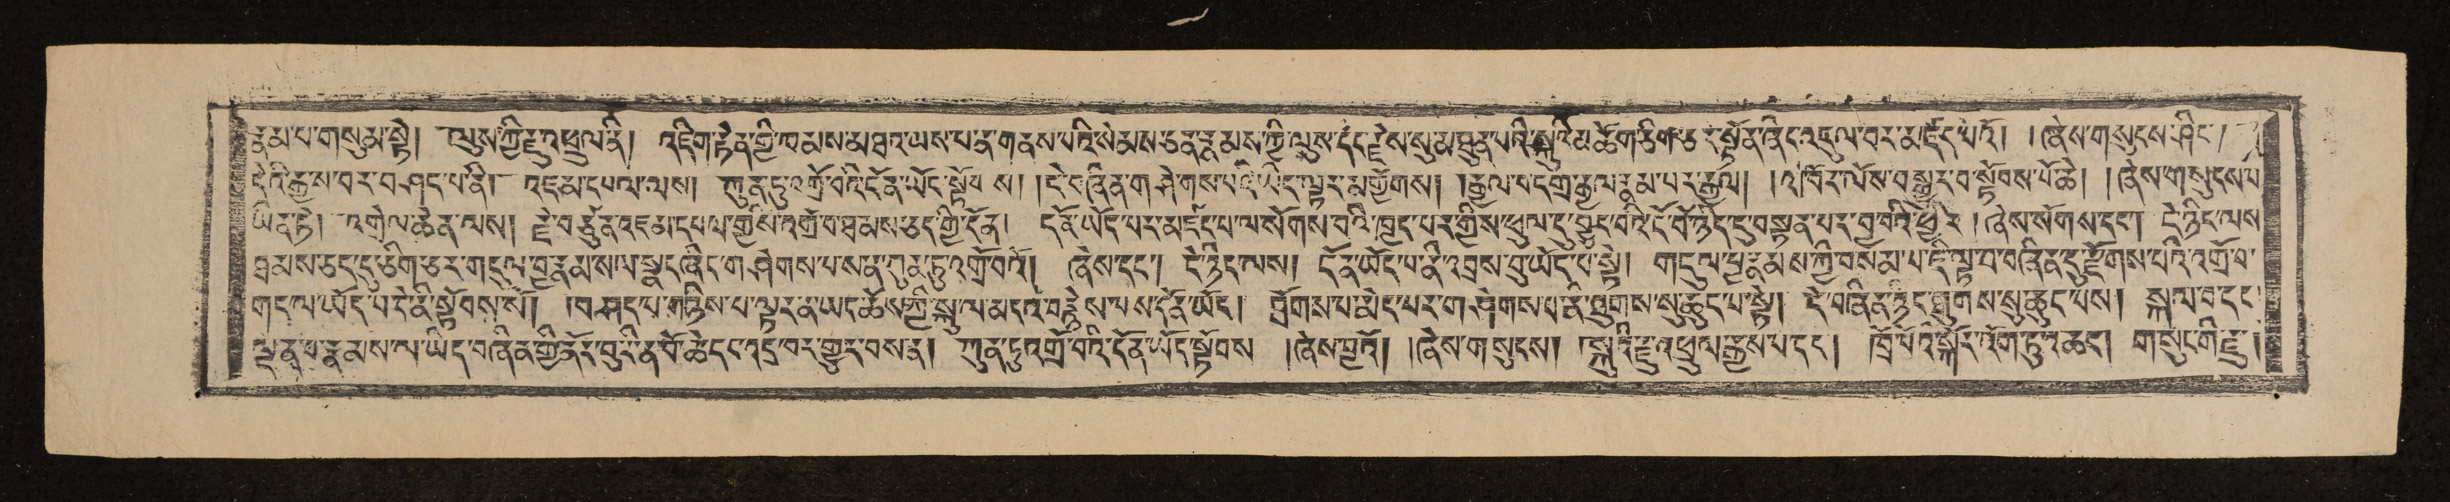རྣམ་པ་གསུམ་སྟེ། ལུས་ཀྱི་རྫུ་འཕྲུལ་ནི། འཇིག་རྟེན་གྱི་ཁམས་མཐའ་ཡས་པ་ན་གནས་པའི་སེམས་ཅན་རྣམས་ཀྱི་ལུས་དང་རྗེས་སུ་མཐུན་པའི་སྐུའི་མཆོག་ཅིག་ཅར་སྟོན་ཞིང་འདུལ་བར་མཛད་པའོ། །ཞེས་གསུངས་ཤིང་།
དེའི་རྒྱས་པར་བཤད་པ་ནི། འཇམ་དཔལ་ལས། ཀུན་ཏུ་འགྲོ་བའི་དོན་ཡོད་སྟོབས། །དེ་བཞིན་གཤེགས་པའི་ཡིད་ལྟར་མགྱོགས། །རྒྱལ་བ་དགྲ་རྒྱལ་རྣམ་པར་རྒྱལ། །འཁོར་ལོས་བསྒྱུར་བ་སྟོབས་པོ་ཆེ། །ཞེས་གསུངས་པ་
ཡིན་ཏེ། འགྲེལ་ཆེན་ལས། རྗེ་བཙུན་འཇམ་དཔལ་གྱིས་འགྲོ་བ་ཐམས་ཅད་ཀྱི་དོན། དོན་ཡོད་པར་མཛད་པ་ལ་སོགས་པའི་ཁྱད་པར་གྱིས་ཕུལ་དུ་བྱུང་བའི་ངོ་བོ་ཉིད་དུ་བསྟན་པར་བྱ་བའི་ཕྱིར། ཞེས་སོགས་དང་། དེ་ཉིད་ལས་
ཐམས་ཅད་དུ་ཅིག་ཅར་གདུལ་བྱ་རྣམས་ལ་སྣང་ཞིང་གཤེགས་པས་ན་ཀུན་ཏུ་འགྲོ་བའོ། །ཞེས་དང་། དེ་ཉིད་ལས། དོན་ཡོད་པ་ནི་འབྲས་བུ་ཡོད་པ་སྟེ། གདུལ་བྱ་རྣམས་ཀྱི་བསམ་པ་ཇི་ལྟ་བ་བཞིན་དུ་རྫོགས་པའི་འགྲོ་བ་
གང་ལ་ཡོད་པ་དེ་ནི་སྟོབས་སོ། །བཤད་པ་གཉིས་པ་ལྟར་ན་ཡང་ཆོས་ཀྱི་སྐུ་ལ་མངའ་བརྙེས་པས་དོན་ཡོད། ཐོགས་པ་མེད་པར་གཤེགས་པ་ནི་ཐུགས་སུ་ཆུད་པ་སྟེ། དེ་བཞིན་ཉིད་ཐུགས་སུ་ཆུད་པས། སྐལ་བ་དང་
ལྡན་པ་རྣམས་ལ་ཡིད་བཞིན་གྱི་ནོར་བུ་རིན་པོ་ཆེ་དང་འདྲ་བར་གྱུར་བས་ན། ཀུན་ཏུ་འགྲོ་བའི་དོན་ཡོད་སྟོབས། །ཞེས་བྱའོ། །ཞེས་གསུངས། སྐུའི་རྫུ་འཕྲུལ་རྒྱས་པ་དང་། ཁྲོ་བོའི་སྐོར་འོག་ཏུ་འཆད། གསུང་གི་རྫུ་